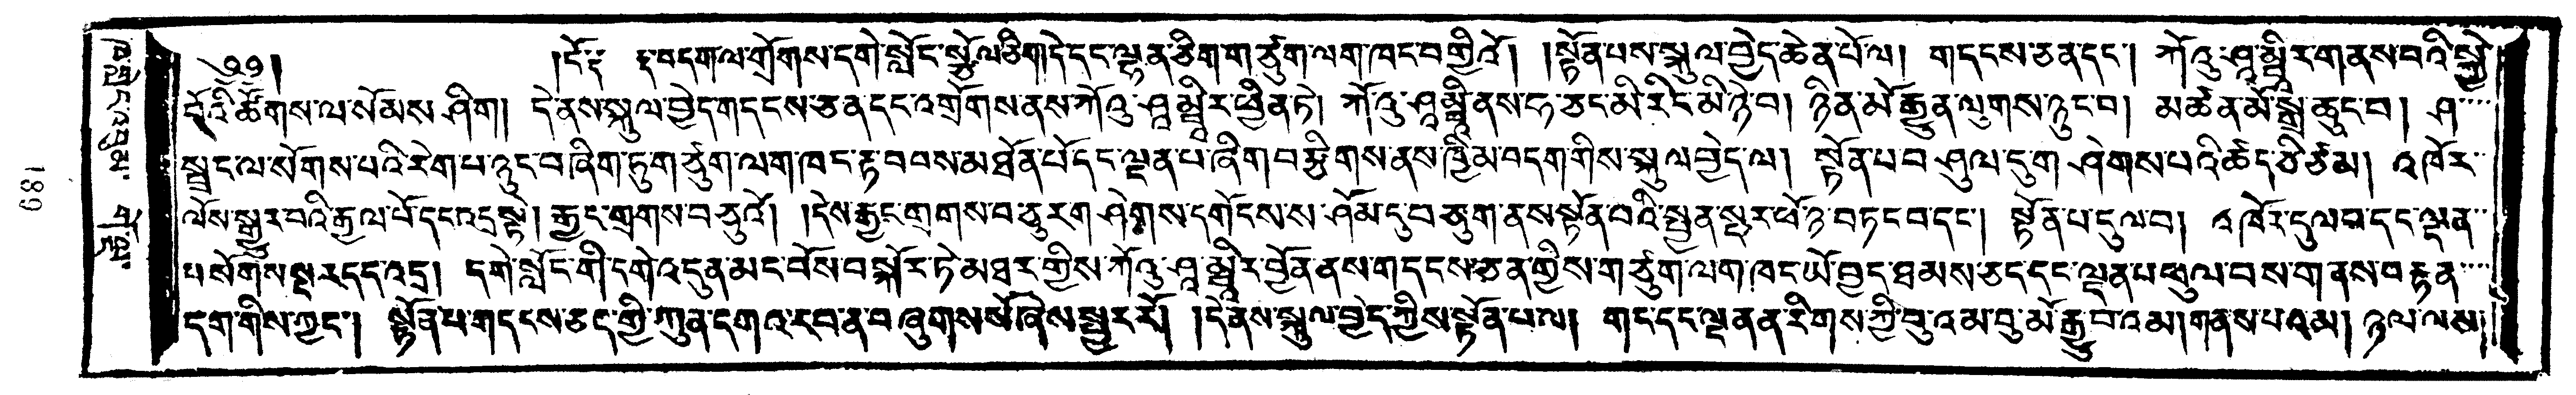༄༅། །ངོ༑ ༑བདག་ལ་གྲོགས་དགེ་སློང་སྩོལ་ཅིག། དེ་དང་ལྷན་ཅིག་གཙུག་ལག་ཁང་བགྱིའོ། །སྟོན་པས་སྐུལ་བྱེད་ཆེན་པོ་ལ། གདངས་ཅན་དང་། ཀོའུ་ཤཱམྦཱིར་གནས་པའི་སྐྱེ་
བོའི་ཚོགས་ལ་སོམས་ཤིག། དེ་ནས་སྐུལ་བྱེད་གདངས་ཅན་དང་འགྲོགས་ནས་ཀོའུ་ཤཱམྦཱིར་ཕྱིན་ཏེ། ཀོའུ་ཤཱམྦཱིར་ནས་ཧ་ཅང་མི་རིང་མི་ཉེ་བ། ཉིན་མོ་རྒྱུན་ལུགས་ཉུང་བ། མཚན་མོ་སྒྲ་ཆུང་བ། ཤ་
སྦྲང་ལ་སོགས་པའི་རེག་པ་ཉུང་བ་ཞིག་ཏུ་གཙུག་ལག་ཁང་རྟ་བབས་མཐོན་པོ་དང་ལྡན་པ་ཞིག་བརྩིགས་ནས་ཁྱིམ་བདག་གིས་སྐུལ་བྱེད་ལ། སྟོན་པ་བཤུལ་དུ་གཤེགས་པའི་ཚད་ཅི་ཙམ། འཁོར་
ལོས་སྒྱུར་བའི་རྒྱལ་པོ་དང་འདྲ་སྟེ། རྒྱང་གྲགས་བཅུའོ། །དེས་རྒྱང་གྲགས་བཅུར་གཤེགས་དགོངས་ས་ཤོམ་དུ་བཅུག་ནས་སྟོན་པའི་སྤྱན་སྔར་ཕོ་ཉ་བཏང་པ་དང་། སྟོན་པ་དུལ་བ། འཁོར་དུལ་བ་དང་ལྡན་
པ་སོགས་སྔར་དད་འདྲ། དགེ་སློང་གི་དགེ་འདུན་མང་བོས་བསྐོར་ཏེ་མཐར་གྱིས་ཀོའུ་ཤཱམྦཱིར་བྱོན་ནས་གདངས་ཅན་གྱིས་གཙུག་ལག་ཁང་ཡོ་བྱད་ཐམས་ཅད་དང་ལྡན་པ་ཕུལ་བས་གནས་བརྟན་
དག་གིས་ཀྱང་། སྟོན་པ་གདངས་ཅད་གྱི་ཀུན་དགའ་རབ་ན་བཞུགས་སོ་ཞེས་སྦྱར་རོ། །དེ་ནས་སྐུལ་བྱེད་ཀྱིས་སྟོན་པ་ལ། གང་དང་ལྡན་ན་རིགས་ཀྱི་བུ་འམ་བུ་མོ་རྒྱུ་བའམ། གནས་པའམ། ཉལ་ལས་